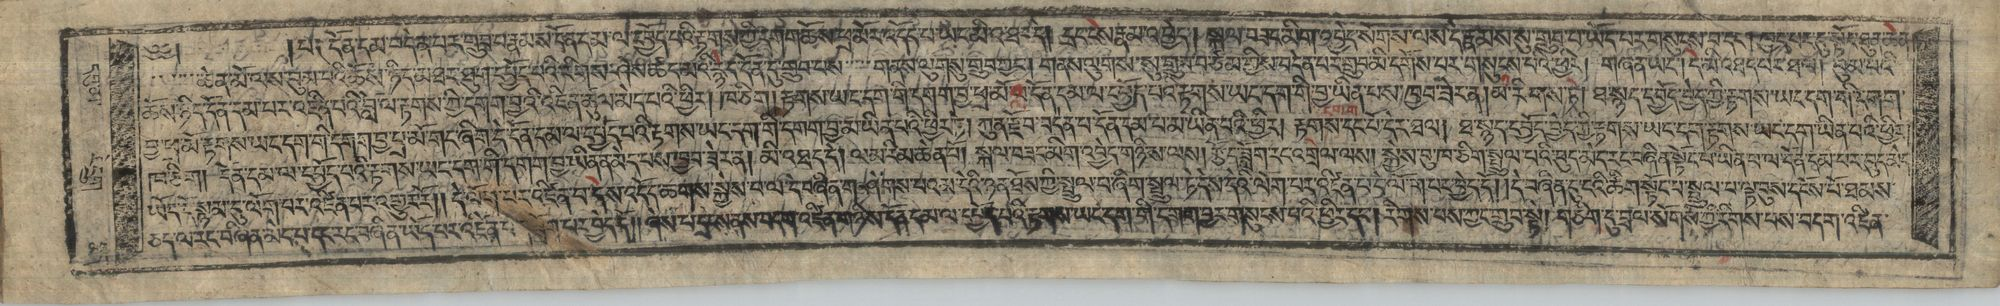༄༅། །པ༑ དོན་དམ་བདེན་པར་གྲུབ་པ་རྣམས་དོན་དམ་ལ་དཔྱོད་པའི་རྟགས་ཀྱི་དགག་ཆོས་ཕྲ་མོར་འདོད་པ་ཡང་མི་འཐད་དེ། དྲང་ངེས་རྣམ་འབྱེད། སྐལ་བཟང་མིག་འབྱེད་སོགས་ལས་དེ་རྣམས་སུ་གྲུབ་པ་ཡོད་པར་གསུངས་པ་དང་། ཁྱད་པར་དུ་སྟོང་ཐུན་
ཆེན་མོ་ལས་བུམ་པའི་ཆོས་ཉིད་མཐར་ཐུག་དཔྱོད་པའི་རིགས་ཤེས་ཚད་མའི་རྙེད་དོན་དུ་གྲུབ་པས་གནས་ལུགས་སུ་གྲུབ་ཀྱང་། གནས་ལུགས་སུ་གྲུབ་པ་ཙམ་གྱིས་བདེན་པར་གྲུབ་མི་དགོས་པར་གསུངས་པའི་ཕྱིར། གཞན་ཡང་། དེ་མི་འཐད་པར་ཐལ། བུམ་པའི་
ཆོས་ཉིད་དོན་དམ་པར་འཛིན་པའི་བློ་ལ་རྟགས་ཀྱི་དགག་བྱའི་འཛིན་ཚུལ་མེད་པའི་ཕྱིར། ཁ་ཅིག །རྟགས་ཡང་དག་གི་དགག་བྱ་ཕྲ་མོ་ལ་དོན་དམ་ལ་དཔྱོད་པའི་རྟགས་ཡང་དག་གི་དགག་བྱ་ཡིན་པས་ཁྱབ་ཟེར་ན། མི་རིགས་ཏེ། ཐ་སྙད་དཔྱོད་བྱེད་ཀྱི་རྟགས་ཡང་དག་གི་དགག་
བྱ་ཕྲ་མོ་རྟགས་ཡང་དག་གེ་དགག་བྱ་ཕྲ་མོ་གང་ཞིག་དེ་དོན་དམ་ལ་དཔྱོད་པའི་རྟགས་ཡང་དག་གི་དགག་བྱ་མ་ཡིན་པའི་ཕྱིར་ཏེ། ཀུན་རྫོབ་བདེན་པ་དོན་དམ་པ་མ་ཡིན་པའི་ཕྱིར། རྟགས་དང་པོ་དེར་ཐལ། ཐ་སྙད་དཔྱོད་བྱེད་ཀྱི་རྟགས་ཡང་དག་རྟགས་ཡང་དག་ཡིན་པའི་ཕྱིར།
ཁ་ཅིག །དོན་དམ་ལ་དཔྱོད་པའི་རྟགས་ཡང་དག་གི་དགག་བྱ་ཡིན་ན་མེད་པས་ཁྱབ་ཟེར་ན། མི་འཐད་དེ། ལམ་རིམ་ཆེན་པོ། སྐལ་བཟང་མིག་འབྱེད་གཉིས་ལས། རྩོད་ཟློག་རང་འགྲེལ་ལས། སྐྱེས་བུ་ཁ་ཅིག་སྤྲུལ་པའི་བུད་མེད་རང་བཞིན་སྟོང་པ་ཡིན་པ་ལ་དོན་དམ་པར་བུད་མེད་
ཡོད་དོ་སྙམ་དུ་ལོག་པར་འཛིན་པར་འགྱུར་རོ། །དེ་ལོག་པར་འཛིན་པ་དེས་འདོད་ཆགས་སྐྱེས་པ་ལ་དེ་བཞིན་གཤེགས་པའམ་དེའི་ཉན་ཐོས་ཀྱི་སྤྲུལ་པ་ཞིག་སྤྲུལ་ཏེ་དེས་དེའི་ལོག་པར་འཛིན་པ་དེ་ལོག་པར་བྱེད་དོ། །དེ་བཞིན་དུ་ངའི་ཚིག་སྟོང་པ་སྤྲུལ་པ་ལྟ་བུས་དངོས་པོ་ཐམས་
ཅད་ལ་རང་བཞིན་མེད་པ་དང་རང་བཞིན་ཡོད་པར་འཛིན་པ་དེ་ཟློག་པར་བྱེད་དོ། །ཞེས་པ་དྲངས་ནས་བདག་འཛིན་གཉིས་དོན་དམ་ལ་དཔྱོད་པའི་རྟགས་ཡང་དག་གི་དགག་བྱར་གསུངས་པའི་ཕྱིར་དང་། རིགས་པས་ཀྱང་གྲུབ་སྟེ། གཅིག་དུ་བྲལ་སོགས་ཀྱི་རིགས་པས་བདག་འཛིན་